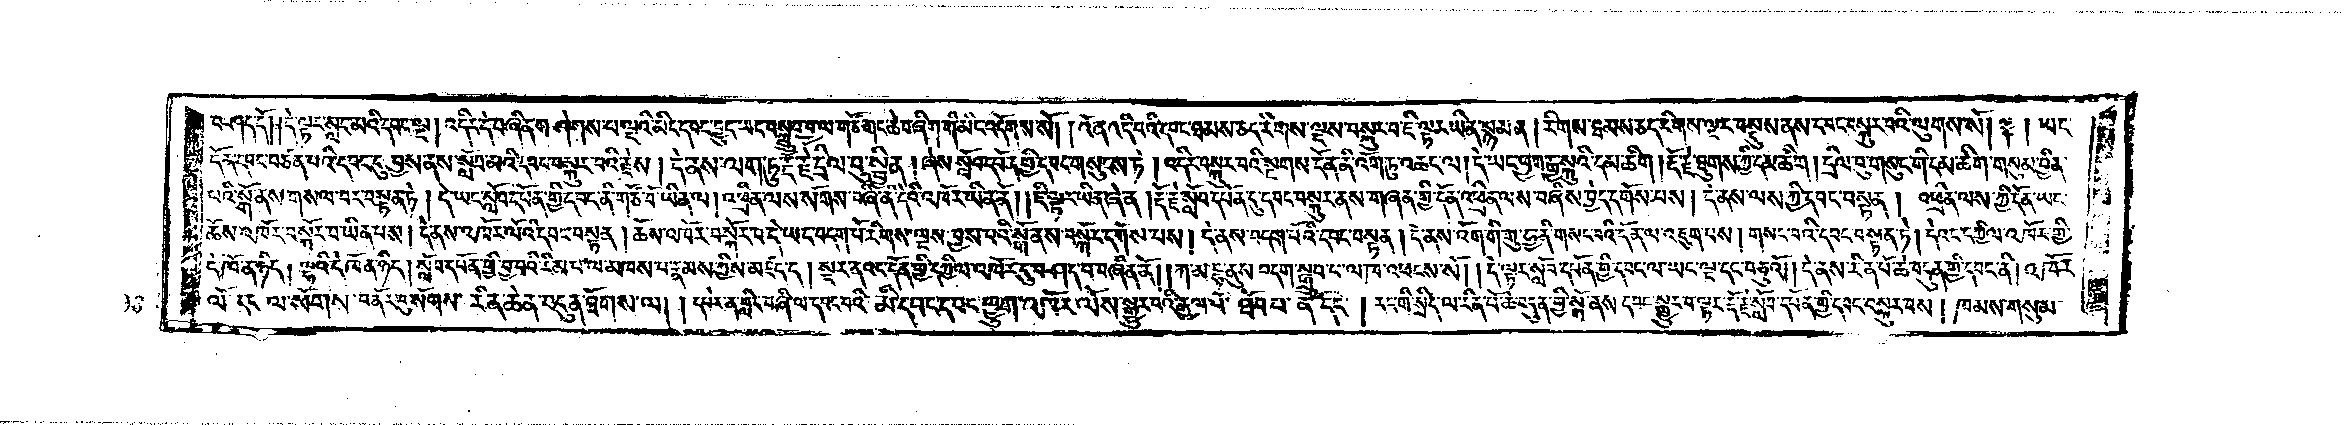བཤད་དོ། །དེ་ལྟར་སླབ་མའི་དབང་ལྔ། འདིར་དེ་བཞིན་གཤེགས་པ་ལྔའི་མིང་དབང་བྱུང་ཡང་བསྒྲུབ་བྱ་ལ་གཙོ་གང་ཆེ་བ་ཞིག་གི་མིང་འདོགས་སོ། །འོ་ན་འདི་པའི་དབང་ཐམས་ཅད་རིགས་ལྔས་བསྐུར་བ་ཇི་ལྟར་ཡིན་སྙམ་ན། རིགས་ཐམས་ཅད་རིགས་ལྔར་བསྡུས་ནས་དབང་བསྐུར་བའི་ལུགས་སོ། ༈ །ཡང་
དོན་དབང་བཙན་པའི་དབང་དུ་བྱས་ནས་སློབ་མའི་དབང་བསྐུར་བའི་རྗེས། དེ་ནས་ལག་ཏུ་རྡོ་རྗེ་དྲིལ་བུ་སྦྱིན། ཞེས་སློབ་དཔོན་གྱི་དབང་གསུངས་ཏེ། འདིར་བསྐུར་བའི་སྔགས་དོན་ནི་འོག་ཏུ་འཆང་ལ། དེ་ཡང་ཕྱག་རྒྱ་སྐུའི་དམ་ཚིག །རྡོ་རྗེ་ཐུགས་ཀྱི་དམ་ཚིག །དྲིལ་བུ་གསུང་གི་དམ་ཚིག་གསུམ་བྱིན་
པའི་སྒོ་ནས་གསལ་བར་བསྟན་ཏེ། དེ་ཡང་སློབ་དཔོན་གྱི་དབང་ནི་གཙོ་བོ་ཡིན་ལ། འཕྲིན་ལས་སོགས་བཞི་ནི་དེའི་འཁོར་ཡིན་ནོ། །ཇི་ལྟར་ཡིན་ཞེ་ན། རྡོ་རྗེ་སློབ་དཔོན་དུ་དབང་བསྐུར་ནས་གཞན་གྱི་དོན་འཕྲིན་ལས་བཞིས་བྱེད་དགོས་པས། དེ་ནས་ལས་ཀྱི་དབང་བསྟན། འཕྲིན་ལས་ཀྱི་དོན་ཡང་
ཆོས་འཁོར་བསྐོར་བ་ཡིན་པས། དེ་ནས་འཁོར་ལོའི་དབང་བསྟན། ཆོས་འཁོར་བསྐོར་བ་དེ་ཡང་བདག་པོ་རིགས་ལྔས་བྱས་པའི་སྒོ་ནས་བསྐོར་དགོས་པས། དེ་ནས་བདག་པོའི་དབང་བསྟན། དེ་ནས་འོག་གི་གུ་ཧྱ་ནི་གསང་བའི་དོན་ལ་འཇུག་པས། གསང་བའི་དབང་བསྟན་ཏེ། དེའང་དཀྱིལ་འཁོར་གྱི་
དེ་ཁོ་ན་ཉིད། ལྷའི་དེ་ཁོ་ན་ཉིད། སློབ་དཔོན་གྱི་བྱ་བའི་རིམ་པ་ལ་མཁས་པ་རྣམས་ཀྱིས་མཛད་དོ། སྔར་ནའང་དོན་གྱི་དཀྱིལ་འཁོར་དུ་བཤད་པ་བཞིན་ནོ། །ཀ་མ་དྷ་ནུས་བདག་སྒྲུབ་པ་ལ་ཁ་འཕངས་སོ། །དེ་ལྟར་སློབ་དཔོན་གྱི་དབང་ལ་ཡང་ལྔ་དང་བཅུའོ། །དེ་ནས་རིན་པོ་ཆེ་བདུན་གྱི་དབང་ནི། འཁོར་
ལོ་དང་ལ་སོགས་པ་ནོར་བུ་སོགས་རིན་ཆེན་བདུན་ཐོགས་ལ། །དཔེར་ན་གླིང་བཞི་ལ་དབང་བའི་མི་དབང་དབང་ཕྱུག་འཁོར་ལོས་སྒྱུར་བའི་རྒྱལ་པོ་ཐོབ་པ་ན་དང་། རང་གི་སྲིད་ལ་རིན་པོ་ཆེ་བདུན་གྱི་སྒོ་ནས་དབང་སྒྱུར་བ་ལྟར་རྡོ་རྗེ་སློབ་དཔོན་གྱི་དབང་བསྐུར་བས། ཁམས་གསུམ་